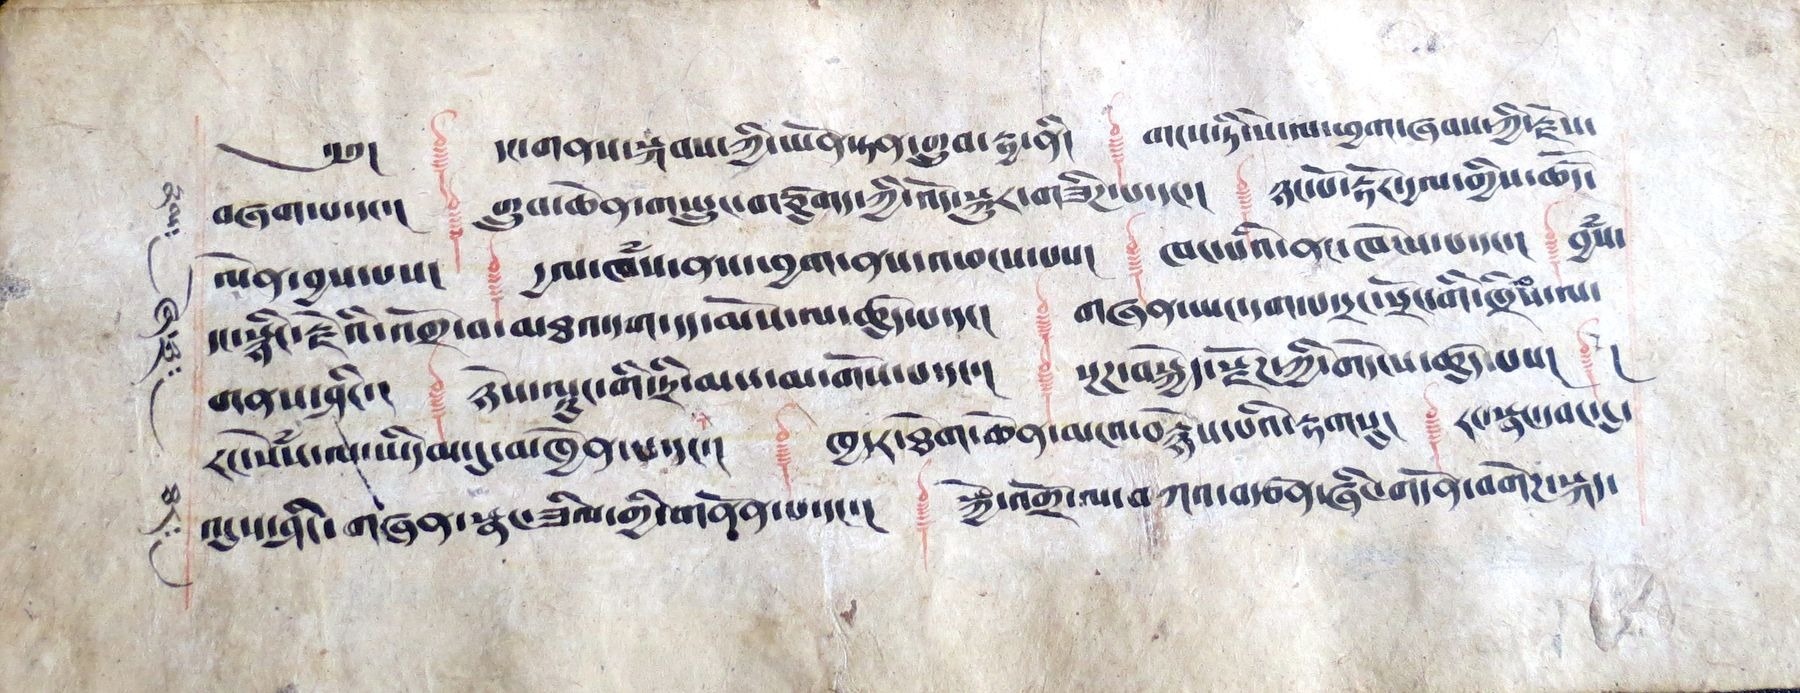དང་གནས་སྐབས་ཡོན་ཏན་གྲུབ་རྟགས་ནི། གངས་ཏི་སེ་ལ་ཕྱག་ཞབས་ཀྱི་རྗེས་
བཞག་པ་དང་། གྲུབ་ཆེན་གཡུང་དྲུང་གཙུག་ཕུད་ཀྱི་འོད་སྐུར་གཟིགས་པ་དང་། ཉང་པོ་རྟོགས་རྒྱལ་གྱིས་ཚོད་
ལེན་བྱས་པས། རྒྱལ་ཁམས་ནས་ཕྱག་ནས་འཕངས་པས། ཁང་པའི་ནང་ཁེངས་པ་དང་། བྱམས་
དང་སྙིང་རྗེས་འགྲོ་བ་མཐའ་དག་དད་མོས་ལ་ཚུད་པ་དང་། གཞན་ཡང་དག་པ་དྲང་སྲོང་གི་ཁྲིམས་ལ་
གནས་ཤིང་། ཉེས་ལྟུང་གི་དྲི་མས་མ་གོས་པ་དང་། སྔགས་ཀྱི་བསྐྱེད་རྫོགས་ཀྱི་གདེང་ཚུད་པས་
རང་སེམས་ལ་ཡི་དམ་དུ་མཁྱེན་པ་དང་། ཁྱད་པར་ཐེག་ཆེན་མངའ་བརྙེས་པའི་རྟགས་སུ། རང་སྣང་དབང་དུ་
འདུས་ཤིང་གཞན་སྣང་ཟིལ་གྱིས་གནོན་པ་དང་། སྐྱེ་འགྲོ་ལ་བཀའ་བཙན་ཞིང་གདོན་བགེགས་སྐད་